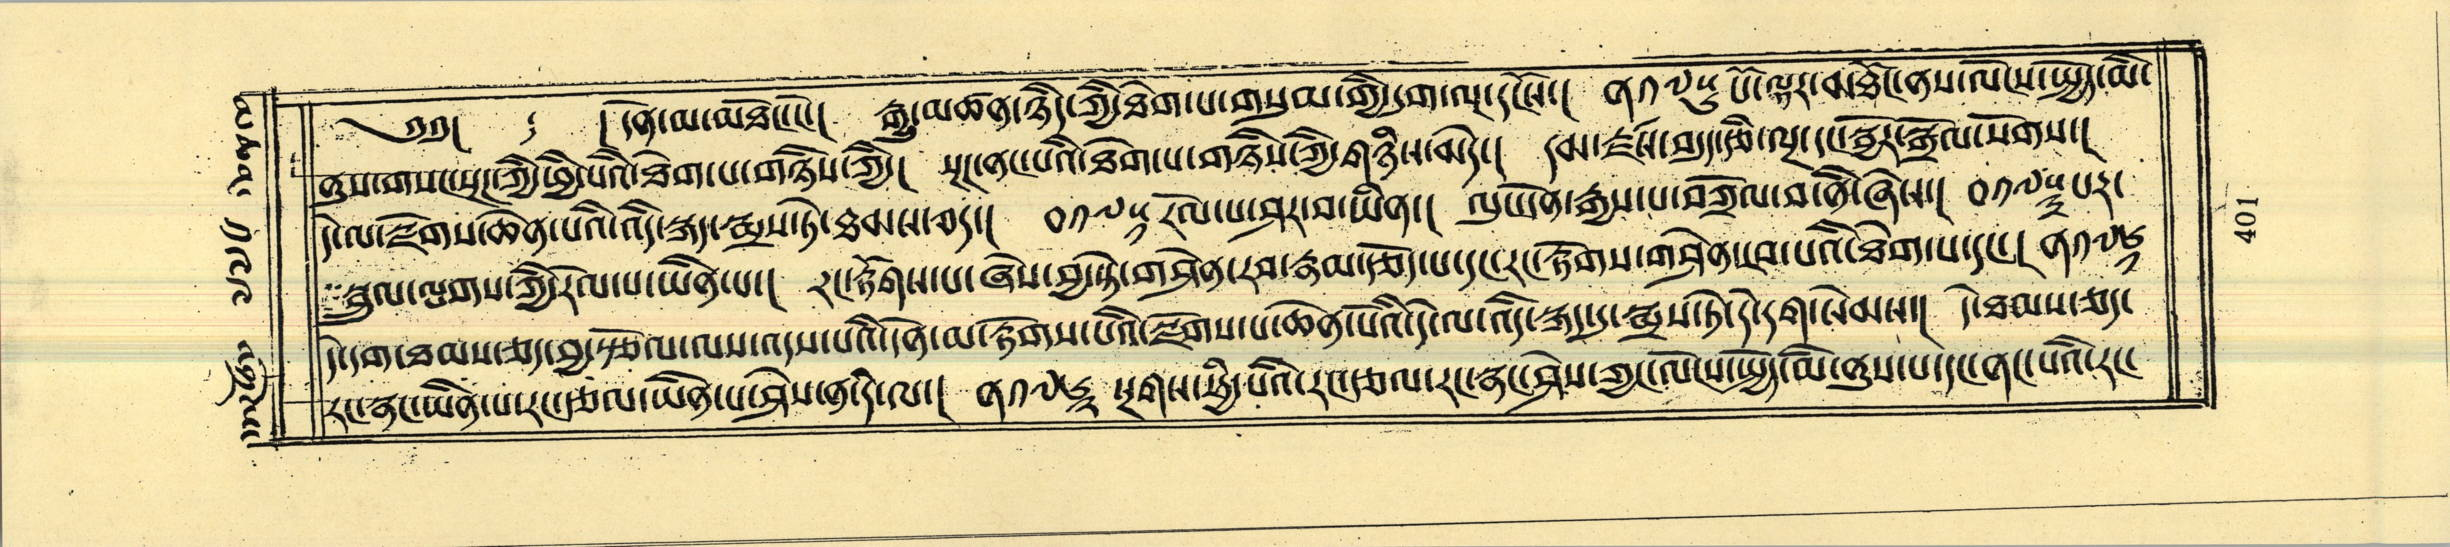དོན་མ་མཐོང་ངོ་། རྒྱུ་མཚན་ཉིད་ཀྱི་ཐེག་པ་གསུམ་གྱི་དུག་ལྔ་དངོས། ན༡༧༥།༦༼པོ༽ལྟར་༼མཐོང་ནས༽ལོངས་སྤྱོད་མི་
ནུས་གསང་སྔགས་ཀྱི་ཕྱི་པའི་ཐེག་པ་གཉིས་ཀྱི་སྔགས་ནང་པའི་ཐེག་པ་གཉིས་ཀྱི་༼གཉིས་མེད་༽༼དམ་རྫས༽བདུད་རྩི་ལྔ་དང་སྦྱོར་སྒྲོལ་སོགས་
དེ་ལ་རྫོགས་ཆེན་པས་འདི་སྐད་སྨྲས་ཏེ་༼ཐམས་ཅད༽བ༡༧༥།༡རོལ་པ་ཤར་བ་ཡིན། ལུང་དོན་རྒྱས་པ་བཀྲོལ་བ་ནི་༼ཞེས༽བ༡༧༥།༣༼པར༽
སྦྲུལ་ལྤགས་ཀྱི་རོལ་པ་ཡིན་པ་ ༼རང་རྟོགས་པ༽ཞེས་བྱ་སྟེ་གཤེན་རབ་རྣམ་རྩོད་པ་དང་རང་རྟོགས་གཤེན་རབ་པའི་ཐེག་པ་དང་། ན༡༧༦།༡ 
དེ་དག་ཐམས་ཅད་བྱ་རྩོལ་ལས་འདས་པའི་དོན་མ་རྟོགས་པའི་རྫོགས་པ་ཆེན་པོའི་དེ་ལ་འདི་སྐད་དུ་སྨྲས་ཏེ་༼དེ་དག་སེམས༽དེ་ཐམས་ཅད་
རང་སྣང་ཡིན་པ་རང་རྩལ་ཡིན་པ་ཤེས་ན་༼དེ་ལ༽ན༡༧༦།༢༼སྔགས་ཕྱི༽པའི་རང་རྩལ་རང་སྣང་ཤེས་ཀྱང་ལོངས་སྤྱོད་མི་ནུས་པ་དང་༼ནང་པའི༽རང་